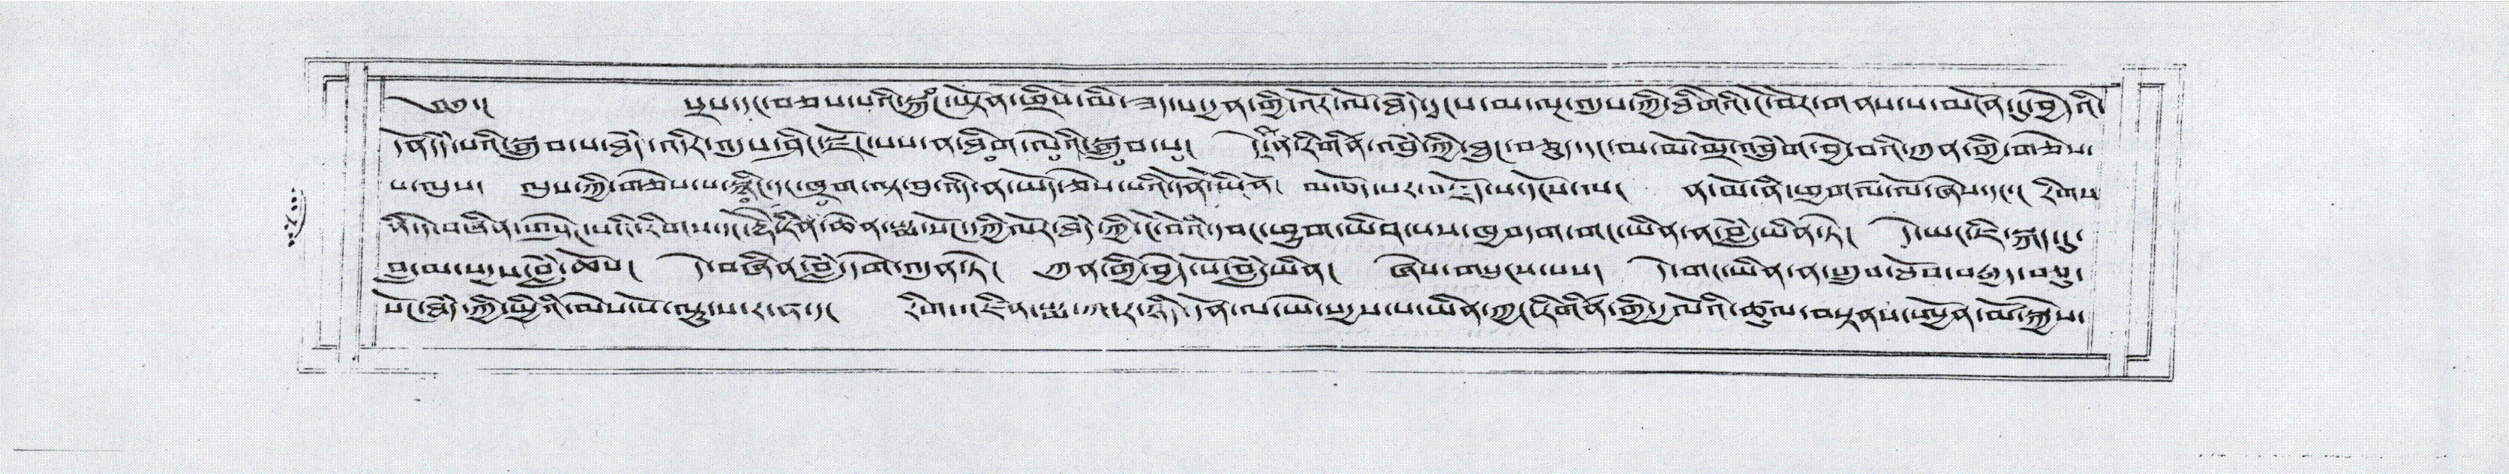སྲས་དང་བཅས་པའི་སྐུ་གསུང་ཐུགས་ཡོན་ཏན་ཕྲིན་ལས་མི་ཟད་པ་རྒྱན་གྱི་འཁོར་ལོ་ཐམས་ཅད་དྭངས་མ་ལྔ་འདུས་ཀྱི་ཐིག་ལེའི་ངོ་བོར་གནས་པ་མངོན་དུ་བྱེད་པའི་
དོན་དམ་པའི་སྒྲུབ་པ་ཐམས་ཅད་འདིར་འདུས་ཤིང་རྫོགས་པས་ན་ཐི༷ག་ལེ༷འི་སྒྲུ༷བ་པ༷། དེ་བཞིན་རིག་འཛིན་འབུམ་གྱི་ཐུགས་བཅུད་དང་མ་མོ་མཁའ་འགྲོ་འབུམ་ཕྲག་བྱེ་བའི་ཀུན་གྱི་གཅེས་
པ་ལུས། ལུས་ཀྱི་གཅེས་པ་སྙི༷ང་དང་ཁྲ༷ག་ལྟ་བུ་འདི་ན་ཡོད་ཅེས་པའི་དོན་ཡིན་ནོ། མཆོད་པར་བརྗོད་པ་དངོས་ལ། ན་མོ་ནི་ཕྱག་འཚལ་ལོ་ཞེས་དང། རིགས་
ནི་དེ་བཞིན་གཤེགས་པའི་རིགས་དང་རྡོ་རྗེ་རིན་ཆེན་པདྨ་སོགས་དཀྱིལ་འཁོར་ཐམས་ཅད་ཀྱི་ངོ་བོའི་དབང་ཕྱུག་ཡིན་པས་ཁྱབ་བདག་གང་ཡིན་ན་བླ་མ་ཡིན་ཏེ། དེ་ཡང་ཇི་སྐད་དུ། 
བླ་མ་སངས་རྒྱས་བླ་མ་ཆོས། དེ་བཞིན་བླ་མ་དགེ་འདུན་ཏེ། ཀུན་གྱི་བྱེད་པོ་བླ་མ་ཡིན། ཞེས་གསུངས་པས། དེ་གང་ཡིན་ན་གྲུབ་ཐོབ་བརྒྱད་བཅུ་
སོགས་ཐམས་ཅད་ཀྱི་སྤྱིའི་མེས་པོ་ལྟ་བུ་ས་ར་ཧ་དང། རིག་འཛིན་པདྨ་ཀ་ར་ཉིད་དོན་ལ་ཡེ་སངས་རྒྱས་པ་ཡིན་ཀྱང་རིག་འཛིན་གྱི་རྒྱལ་པོའི་ཚུལ་བསྟན་ནས་ཨོ་རྒྱན་མཚོ་སྐྱེས་